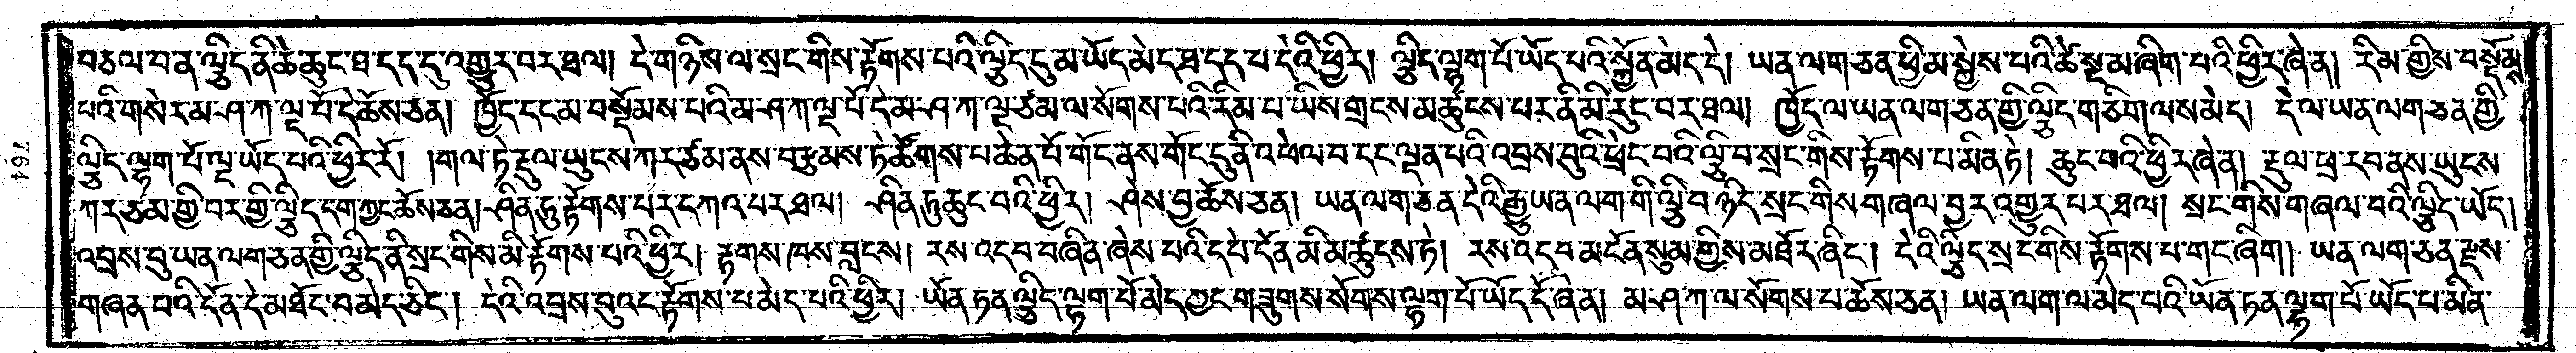བཅལ་བ་ན་ལྕིད་ནི་ཆེ་ཆུང་ཐ་དད་དུ་འགྱུར་བར་ཐལ། དེ་གཉིས་ལ་སྲང་གིས་རྟོགས་པའི་ལྕིད་དུ་མ་ཡོད་མེད་ཐ་དད་པ་དེའི་ཕྱིར། ལྕིད་ལྷག་པོ་ཡོད་པའི་སྐྱོན་མེད་དེ། ཡན་ལག་ཅན་ཕྱི་མ་སྐྱེས་པའི་ཚེ་སྔ་མ་ཞིག་པའི་ཕྱིར་ཞེ་ན། རིམ་གྱིས་བསྡོམས་
པའི་གསེར་མ་ཤ་ཀ་ལྡ་པོ་དེ་ཆོས་ཅན། ཁྱོད་དང་མ་བསྡོམས་པའི་མ་ཤ་ཀ་ལྔ་པོ་དེ་མ་ཤ་ཀ་ལྔ་ཙམ་ལ་སོགས་པའི་རིམ་པ་ཡིས་གྲངས་མཚུངས་པར་ནི་མི་རུང་བར་ཐལ། ཁྱོད་ལ་ཡན་ལག་ཅན་གྱི་ལྕིད་གཅིག་ལས་མེད། དེ་ལ་ཡན་ལག་ཅན་གྱི་
ལྕིད་ལྷག་པོ་ལྔ་ཡོད་པའི་ཕྱིར་རོ། །གལ་ཏེ་རྡུལ་ཡུངས་ཀར་ཙམ་ནས་བརྩམས་ཏེ་ཚོགས་པ་ཆེན་པོ་གོང་ནས་གོང་དུ་ནི་འཕེལ་བ་དང་ལྡན་པའི་འབྲས་བུའི་ཕྲེང་བའི་ལྕི་བ་སྲང་གིས་རྟོགས་པ་མིན་ཏེ། ཆུང་བའི་ཕྱིར་ཞེ་ན། རྡུལ་ཕྲ་རབ་ནས་ཡུངས་
ཀར་ཙམ་གྱི་བར་གྱི་ལྕིད་དག་ཀྱང་ཆོས་ཅ་ན། ཤིན་ཏུ་རྟོགས་པར་དཀའ་པར་ཐལ། ཤིན་ཏུ་ཆུང་བའི་ཕྱིར། ཤེས་བྱ་ཆོས་ཅན། ཡན་ལག་ཅན་དེའི་རྒྱུ་ཡན་ལག་གི་ལྕི་བ་ཉིད་སྲང་གིས་གཞལ་བྱར་འགྱུར་པར་ཐལ། སྲང་གིས་གཞལ་བའི་ལྕིད་ཡོད།
འབྲས་བུ་ཡན་ལག་ཅན་གྱི་ལྕིད་ནི་སྲང་གིས་མི་རྟོགས་པའི་ཕྱིར། རྟགས་ཁས་བླངས། རས་འདབ་བཞིན་ཞེས་པའི་དཔེ་དོན་མི་མཚུངས་ཏེ། རས་འདབ་མངོན་སུམ་གྱིས་མཐོར་ཞིང་། དེའི་ལྕིད་སྲང་གིས་རྟོགས་པ་གང་ཞིག། ཡན་ལག་ཅན་རྫས་
གཞན་པའི་དོན་དེ་མཐོང་བ་མེད་ཅིང་། དེའི་འབྲས་བུའང་རྟོགས་པ་མེད་པའི་ཕྱིར། ཡོན་ཏན་ལྕིད་ལྷག་པོ་མེད་ཀྱང་གཟུགས་སོགས་ལྷག་པོ་ཡོད་དོ་ཞེ་ན། མ་ཤ་ཀ་ལ་སོགས་པ་ཆོས་ཅན། ཡན་ལག་ལ་མེད་པའི་ཡོན་ཏན་ལྷག་པོ་ཡོད་པ་མིན་